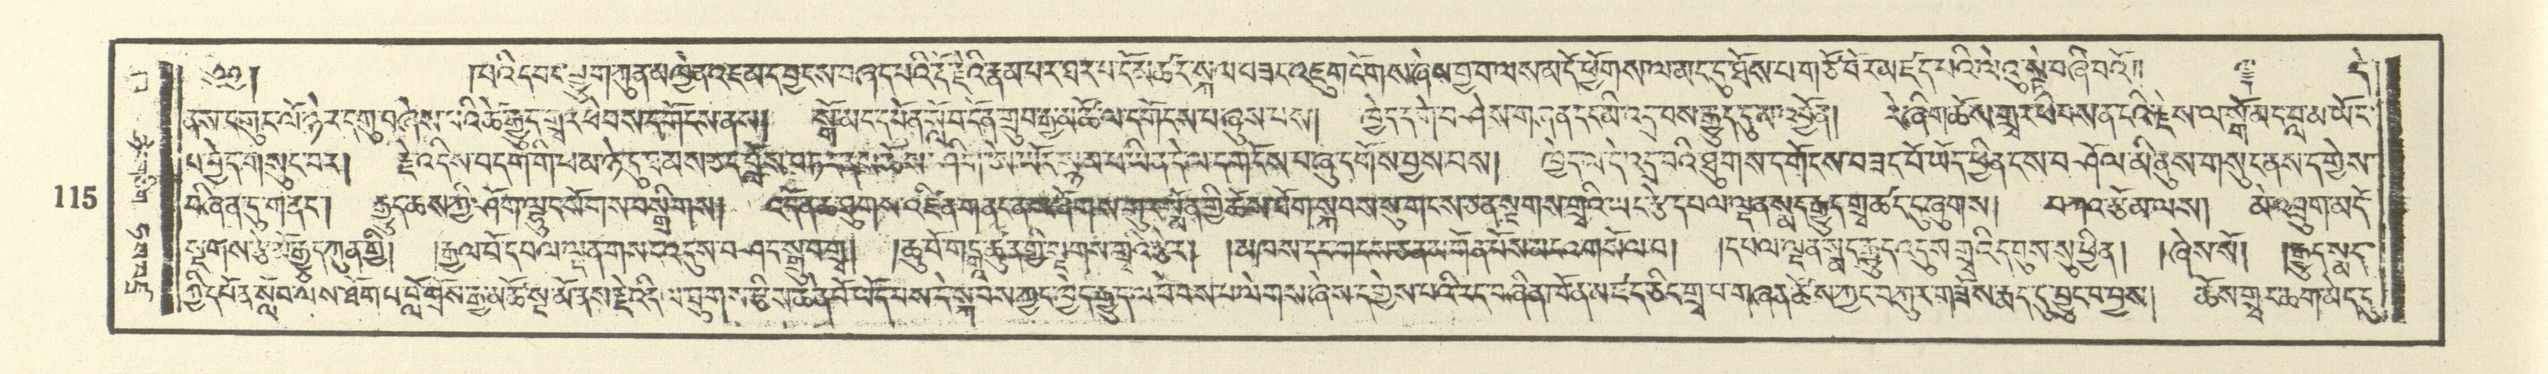༄༅། །པའི་དབང་ཕྱུག་ཀུན་མཁྱེན་འཇམ་དབྱངས་བཞད་པའི་རྡོ་རྗེའི་རྣམ་པར་ཐར་པ་ངོ་མཚར་སྐལ་བཟང་འཇུག་དོགས་ཞེས་བྱ་བ་ལས་མདོ་ཕྱོགས་ལ་མང་དུ་ཐོས་པ་གཙོ་བོར་མཛད་པའི་ལེའུ་སྟེ་བཞི་བའོ།། ༈ དེ་
ནས་དགུང་ལོ་ཉེར་དགུ་བཞེས་པའི་ཚེ་རྒྱུད་གྲྭ་ར་ཕེབས་དགོངས་ནས། སྒོ་མང་དཔོན་སློབ་དཔོན་གྲུབ་རྒྱ་མཚོ་ལ་དགོངས་པ་ཞུས་པས། ཁྱེད་དགེ་བཤེས་གཞན་དང་མི་འདྲ་བས་རྒྱུད་དུ་མ་འབྱོན། རེ་ཞིག་ཆོས་གྲྭར་ཕེབས་ན་ངའི་རྗེས་ལ་སྒོ་མང་བླ་མ་ཡོང་
པ་བྱེད་གསུང་བར། རྗེ་འདིས་བདག་གི་ཕ་མ་ཉེ་དུ་ཐམས་ཅད་བློས་བཏང་ནས་ཆོས་ཤིག་ཨ་ཡོང་སྙམ་པ་ཡིན་དེ་ལ་དགོངས་པ་ཞུ་དགོས་བྱས་པས། ཁྱེད་ལ་དེ་འདྲ་བའི་ཐུགས་དགོངས་བཟང་པོ་ཡོད་ཕྱིན་ངས་བཤོལ་མི་ནུས་གསུང་ནས་དགྱེས་
བཞིན་དུ་གནང་། རྒྱུད་ཆས་ཀྱི་ཤོག་ལྷུང་སོགས་བསྒྲིགས། འདོན་ཆ་ཐུགས་འཛིན་གནང་ནས་ཞོགས་གུར་སྨོན་གྱི་ཆོས་ཐོག་སྐབས་སུ་གངས་ཅན་སྔགས་གྲྭའི་ཡང་རྩེ་དཔལ་ལྡན་སྨད་རྒྱུད་གྲྭ་ཚར་དུ་ཞུགས། བཀའ་རྩོམ་ལས། མེ་འབྲུག་མདོ་
སྔགས་རྩེ་མོ་རྒྱུད་ཀུན་གྱི། །རྒྱལ་པོ་དཔལ་ལྡན་གསང་འདུས་བཤད་སྒྲུབ་གྲྭ། །ཆུ་བོ་གངྒཱ་ཚུན་གྱི་སྔགས་གྲྭའི་རྩེར། །མཁས་དང་གངས་ཅན་མགོན་པོས་མངའ་གསོལ་བ། །དཔལ་ལྡན་སྨད་རྒྱུད་འདུས་གྲྭའི་དབུས་སུ་ཕྱིན། །ཞེས་སོ། །རྒྱུད་སྨད་
ཀྱི་དཔོན་སློབ་ལས་ཐོག་པ་བློ་གྲོས་རྒྱ་མཚོ་སྔ་མོ་ནས་རྗེ་འདི་ལ་ཐུགས་རྩིས་ཆེན་པོ་ཡོད་པས་དེ་སྐབས་ཀྱང་ཁྱེད་རྒྱུད་ལ་ཕེབས་པ་ལེགས་ཞེས་དགྱེས་པའི་རང་བཞིན་ཁོ་ན་མཛད་ཅིང་གྲྭ་པ་གཞན་ཆོས་ཀྱང་བཀུར་གཟོས་རྨད་དུ་བྱུང་བ་བྱས། ཆོས་གྲྭར་ཆག་མེད་དུ་